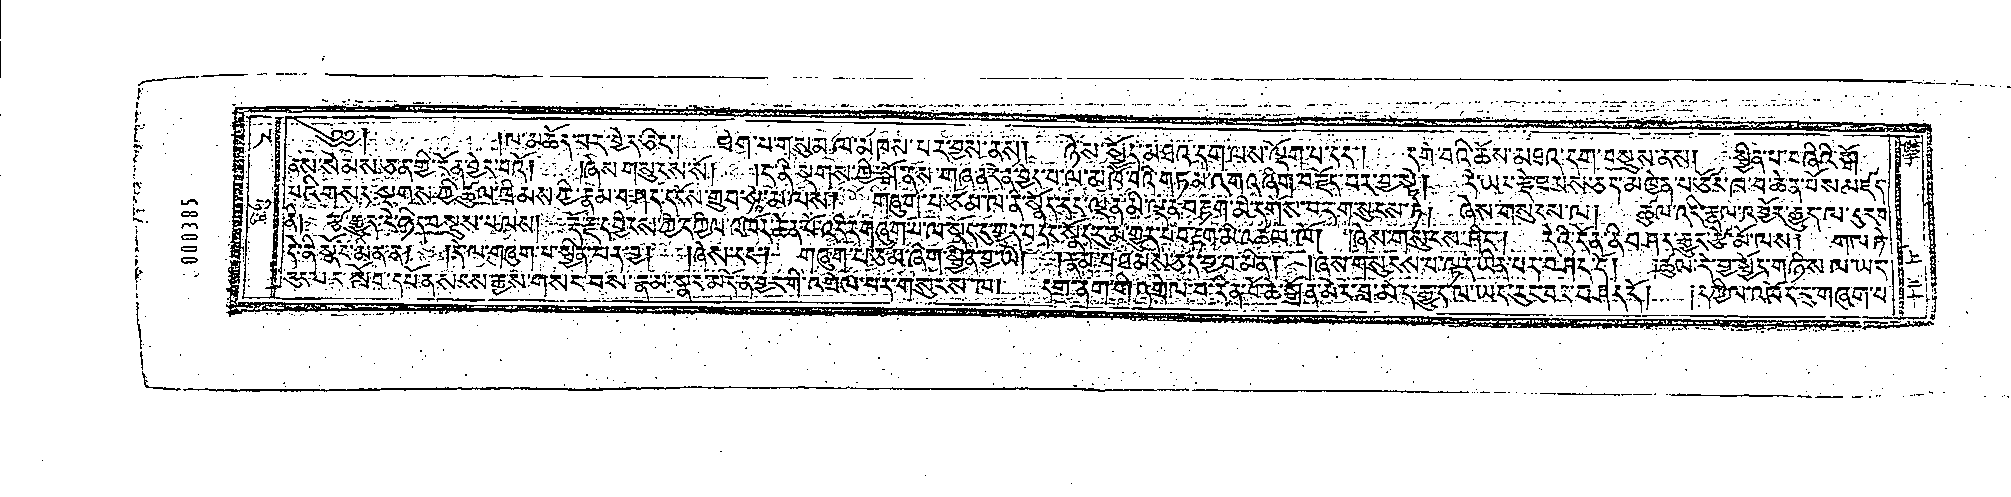༄༅། །ལ་མཆོད་པར་བྱེད་ཅིང་། ཐེག་པ་གསུམ་ལ་མཁས་པར་བྱས་ནས། ཉེས་སྤྱོད་མཐའ་དག་ལས་ལྡོག་པ་དང་། དགེ་བའི་ཆོས་མཐའ་དག་བསྡུས་ནས། སྦྱིན་པ་བཞིའི་སྒོ་
ནས་སེམས་ཅན་གྱི་དོན་བྱེད་བའོ། །ཞེས་གསུངས་སོ། །ད་ནི་སྔགས་ཀྱི་སྒོ་ནས་གཞན་དོན་བྱེད་བ་ལ་མཁོ་བའི་གཏམ་འགའ་ཞིག་བརྗོད་པར་བྱ་སྟེ། དེ་ཡང་རྗེ་ཐམས་ཅད་མཁྱེན་པ་ཙོང་ཁ་བ་ཆེན་པོས་མཛད་
པའི་གསང་སྔགས་ཀྱི་ཚུལ་ཁྲིམས་ཀྱི་རྣམ་བཤད་དངོས་གྲུབ་སྙེ་མ་ལས། གཞུག་པ་ཙམ་ལ་ནི་སྣོད་དང་ལྡན་མི་ལྡན་བརྟག་མི་དགོས་པར་གསུངས་ཏེ། ཞེས་གསུངས་ལ། ཚུལ་འདི་རྣལ་འབྱོར་རྒྱུད་ལ་རུང་བ་
ནི། རྩ་རྒྱུད་དེ་ཉིད་བསྡུས་པ་ལས། རྡོ་རྗེ་དབྱིངས་ཀྱི་དཀྱིལ་འཁོར་ཆེན་པོ་འདིར་གཞུག་པ་ལ་སྣོད་དུ་གྱུར་བ་དང་སྣོད་དུ་མ་གྱུར་པ་བརྟག་མི་འཚལ་ལོ། །ཞེས་གསུངས་ཤིང་། དེའི་དོན་ནི་བཤད་རྒྱུད་རྩེ་མོ་ལས། གལ་ཏེ་
དེ་ནི་སྣོད་མིན་ན། །དེ་ལ་གཞུག་པ་སྦྱིན་པར་བྱ། །ཞེས་དང་། གཞུག་པ་ཙམ་ཞིག་སྦྱིན་བྱ་ཡི། །རྣམ་པ་ཐམས་ཅད་བྱ་བ་མིན། །ཞེས་གསུངས་པ་ལྟར་ཡིན་པར་བཤད་དོ། །ཚུལ་དེ་བྱ་སྤྱོད་གཉིས་ལ་ཡང་
རུང་པར་སློབ་དཔོན་སངས་རྒྱས་གསད་བས་རྣམ་སྣང་མངོན་བྱང་གི་འགྲེལ་པར་གསུངས་ལ། དགྲ་ནག་གི་འགྲེལ་བ་རིན་པོ་ཆེ་སྒྲོན་མེར་བླ་མེད་རྒྱུད་ལ་ཡང་རུང་བར་བཤད་དོ། །དཀྱིལ་འཁོར་དུ་གཞུག་པ་